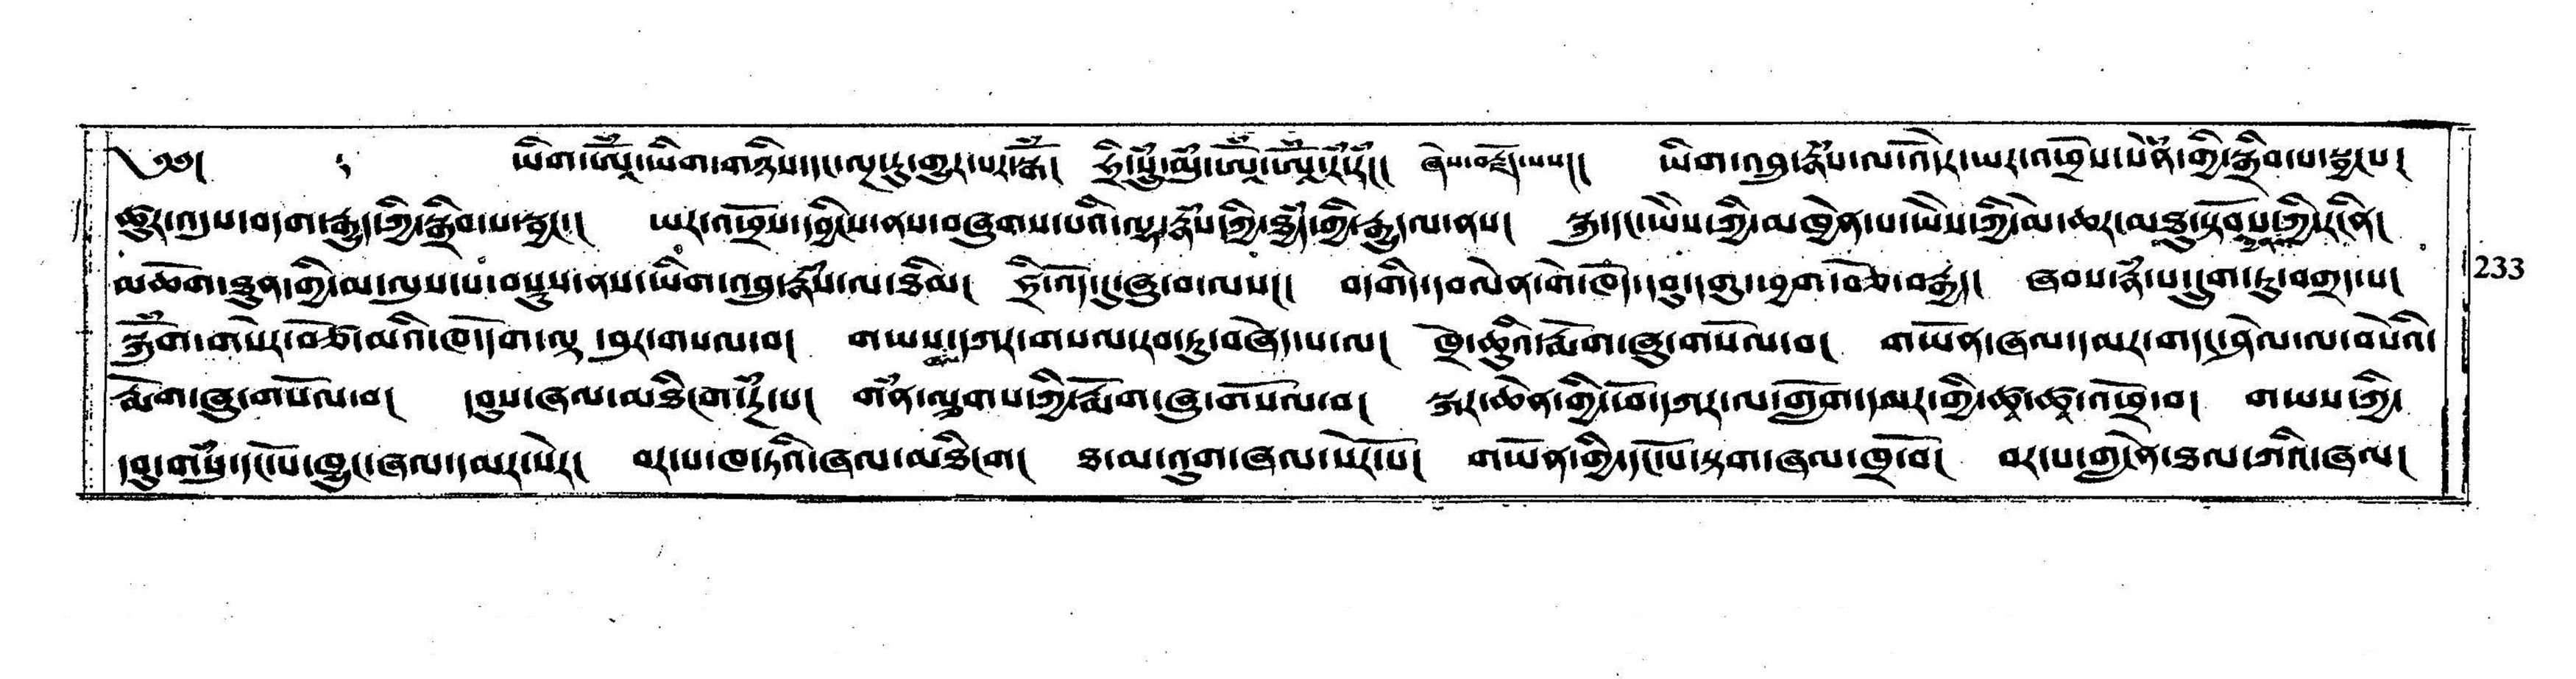ཡིག་ཨཱོཾ་ཡིག་གཉིས་དང་ལྔ་རུ་གྱུར་པར་སྒོམ། ཧྲི་སྲུཾ་མུཾ་ཨཱོཾ་ཨཱོཾ་རཾ་རཾ།། ཞེས་བརྗོད་པས།། ཡིག་འབྲུ་རྣམས་ལ་འོད་ཟེར་ཡར་འཕྲོས་སེམས་ཅན་གྱི་སྒྲིབ་པ་སྦྱངས། 
ཚུར་འདུས་བདག་རྒྱུད་ཀྱི་སྒྲིབ་པ་སྦྱང་། ཡར་འཕྲོས་དབྱིངས་ནས་བཞུགས་པའི་ལྷ་རྣམས་ཀྱི་ཐུགས་དམ་ཀྱི་རྒྱུད་བསྐུལ་ནས། སྐུ་དང་ཡེ་ཤེས་ཀྱི་མཁྱེན་པ་ཡེ་ཤེས་ཀྱི་མེ་ཆར་མཐུ་སྟོབས་བྱིན་རླབས་ཀྱི་རང་བཞིན། 
མཆོག་ཐུན་གྱི་༼དངོས་གྲུབ་༽མ་ལུས་པ་བསྡུས་ནས་ཡིག་འབྲུ་རྣམས་ལ་ཐིམ། ཧྲི་འོད་དུ་ཞུ་བ་ལས།། བདག་ཉིད་དབལ་ཆེན་གེ་ཁོད་དབུ་དགུ་ཕྱག་བཅོ་བརྒྱད། ཞབས་རྣམ་པ་དྲུག་ཏུ་བགྲད་པ། 
སྐུ་མདོག་གསེར་བཙོ་མའི་ཁ་དོག་ལྟ་བུར་གསལ་བ། གཡས་ཞལ་དཀར་གསལ་རབ་ཏུ་བཞད་པ་ལ། ཁྲོ་ཆུའི་རྨོག་ཞུ་གསོལ་བ། གཡོན་ཞལ་དམར་གདང་ཤེལ་ལ་བསེའི་
རྨོག་ཞུ་གསོལ་བ། དབུས་ཞལ་མཐིང་ནག་རྔམ་པ། གནམ་ལྕགས་ཀྱི་རྨོག་ཞུ་གསོལ་བ། སྐར་ཆེན་གྱི་ཕོ་དཀར་ལ་གློག་དམར་གྱི་ཚྭ་ཚྭ་འཕྲོ་བ། གཡས་ཀྱི་
དབུ་གསུམ་དང་པོ་ཁྱུང་ཞལ་དམར་སེར། བར་པ་ཁ་ཏའི་ཞལ་མཐིང་ནག ཐ་མ་འུག་ཞལ་སེར་པོ། གཡོན་གྱི་དང་པོ་སྟག་ཞལ་ཁྲ་བོ། བར་པ་གླང་ཆེན་ཐལ་ཀའི་ཞལ།